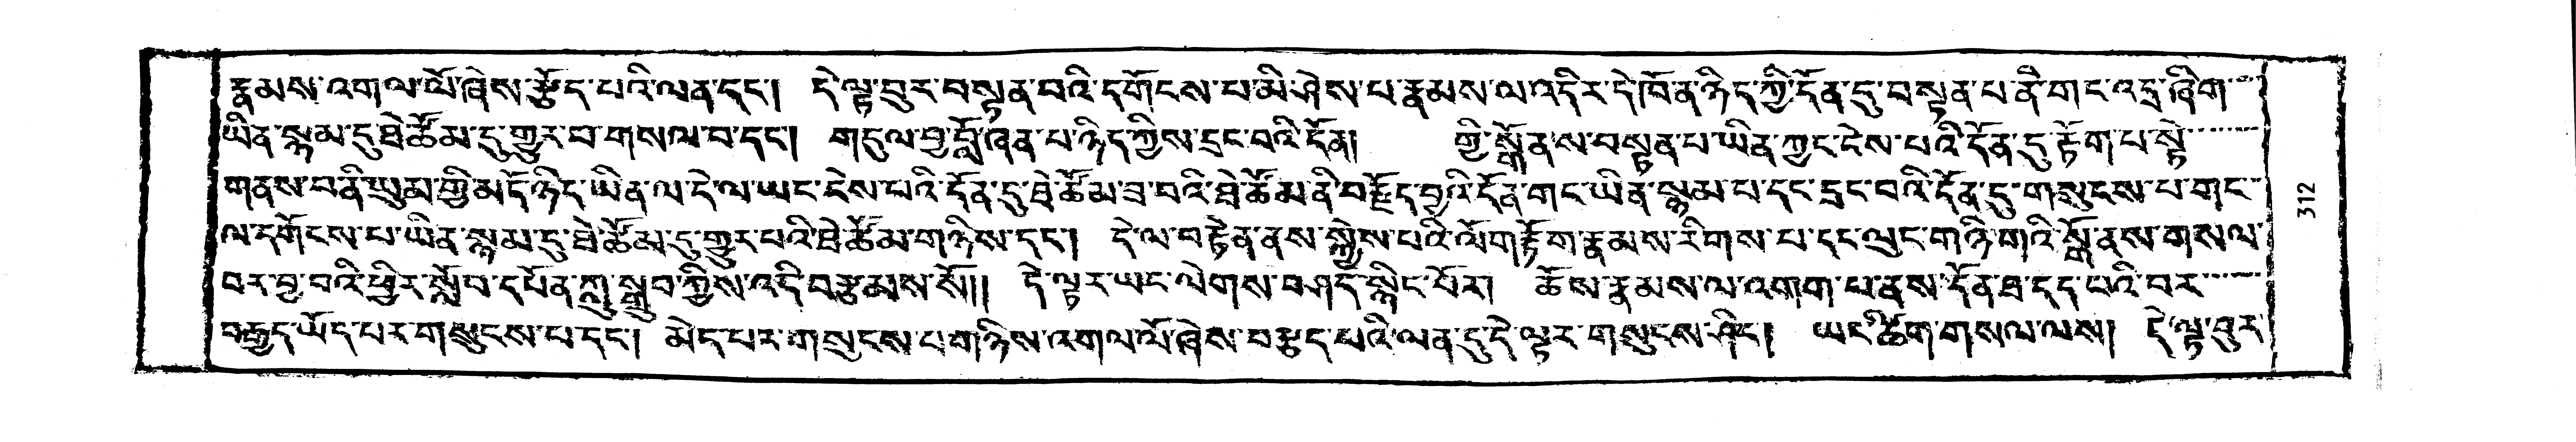རྣམས་འགལ་ལོ་ཞེས་རྩོད་པའི་ལན་དང་། དེ་ལྟ་བུར་བསྟན་པའི་དགོངས་པ་མི་ཤེས་པ་རྣམས་ལ་འདིར་དེ་ཁོ་ན་ཉིད་ཀྱི་དོན་དུ་བསྟན་པ་ནི་གང་འདྲ་ཞིག་
ཡིན་སྙམ་དུ་ཐེ་ཚོམ་དུ་གྱུར་བ་གསལ་བ་དང་། གདུལ་བྱ་བློ་ཞན་པ་ཉིད་ཀྱིས་དྲང་བའི་དོན། གྱི་སྒོ་ནས་བསྟན་པ་ཡིན་ཀྱང་ངེས་པའི་དོན་དུ་རྟོག་པ་སྟེ་
གནས་པ་ནི་ཡུམ་གྱི་མདོ་ཉིད་ཡིན་ལ་དེ་ལ་ཡང་ངེས་པའི་དོན་དུ་ཐེ་ཚོམ་ཟ་བའི་ཐེ་ཚོམ་ནི་བརྗོད་བྱའི་དོན་གང་ཡིན་སྙམ་པ་དང་དྲང་བའི་དོན་དུ་གསུངས་པ་གང་
ལ་དགོངས་པ་ཡིན་སྙམ་དུ་ཐེ་ཚོམ་དུ་གྱུར་པའི་ཐེ་ཚོམ་གཉིས་དང་། དེ་ལ་བརྟེན་ནས་སྐྱེས་པའི་ལོག་རྟོག་རྣམས་རིགས་པ་དང་ལུང་གཉི་གའི་སྒོ་ནས་གསལ་
བར་བྱ་བའི་ཕྱིར་སློབ་དཔོན་ཀླུ་སྒྲུབ་ཀྱིས་འདི་བརྩམས་སོ། །དེ་ལྟར་ཡང་ལེགས་བཤད་སྙིང་པོར། ཆོས་རྣམས་ལ་འགག་པ་ནས་དོན་ཐ་དད་བའི་བར་
བརྒྱད་ཡོད་པར་གསུངས་པ་དང་། མེད་པར་གསུངས་པ་གཉིས་འགལ་ལོ་ཞེས་བརྩད་པའི་ལན་དུ་དེ་ལྟར་གསུངས་ཤིང་། ཡང་ཚིག་གསལ་ལས། དེ་ལྟ་བུར་